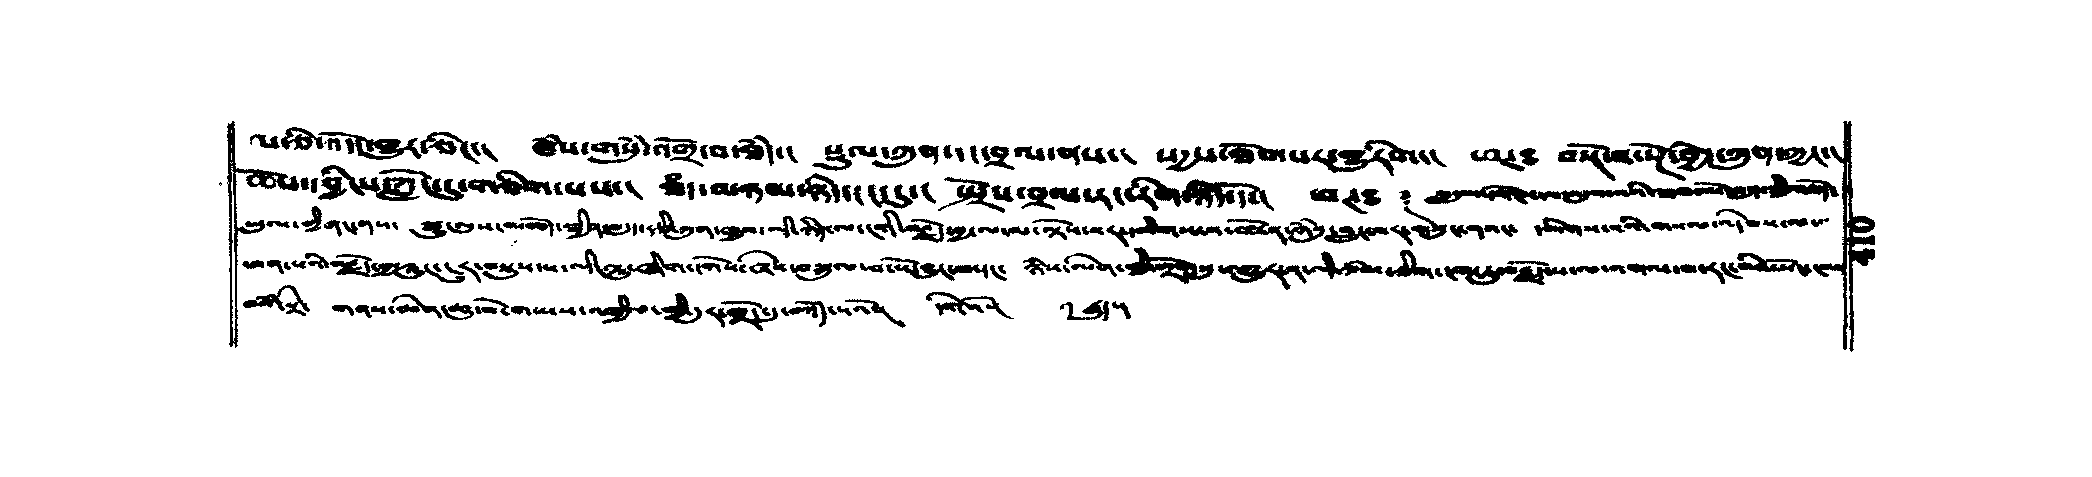ལ་ཅི་འདོད་གྱུར་ཅིག་།ཁམས་གསུམ་འགྲོ་བ་ཁམས་ཅད། །སྡུག་བསྔལ་ཀུན་དང་བྲལ་ནས། །སངས་རྒྱས་ཐོབ་པར་གྱུར་ཅིག་།ཕཊཿ བསྔོ་བྱ་བསྔོ་བྱེད་ཀུན་ཀྱང་། །
ཆོས་དབྱིངས་ཀློང་དུ་གཅིག་པས། །ཐམས་ཅད་མཉམ་ཉིད་ངང་དུ། །སྤྲོས་བྲལ་རང་རིག་ཉིད་དོ། །ཕཊཿ ༄༅། བླ་མ་དགོངས་པ་འདུས་པའི་ཟབ་མོ་བདུད་ཀྱི་གཅོད་
ཡུལ་གྱི་ངང་ནས། སྒྱུ་ལུས་མཆོད་སྦྱིན་བདུད་རྩི་ཀུན་ཁྱབ་འདི་ཉིད་ལ་ངག་གི་བརྗོད་བྱ་ལ་མ་སྟོས་པར་དམིགས་པ་ཁོ་ན་ཉམས་སུ་བླང་བར་གསུངས་ནའང་། དམིགས་པའི་གསལ་འདེབས་ལ་
ཕན་པའི་བར་བརྗོད་བྱ་ཉུང་ངུར་བསྡུས་པ་འདི་ལྟ་བུ་ཞིག་དགོས་ཞེས་བསྐུལ་བ་པོ་བྱུང་བ་དང་། ཉམས་ལེན་གྱི་གྲོགས་སུ་འགྱུར་ན་འདི་ཙམ་ཞིག་ངག་ཏུ་བརྗོད་པ་ལ་འགལ་བ་རང་མི་ཡོང་ངམ་
བསམ་སྟེ། །གནས་ཆེན་ཆུ་བོ་གཡས་འཁྱིལ་གྱི་དུར་ཁྲོད་དུ་བཀོད་པའོ། དགེའོ།